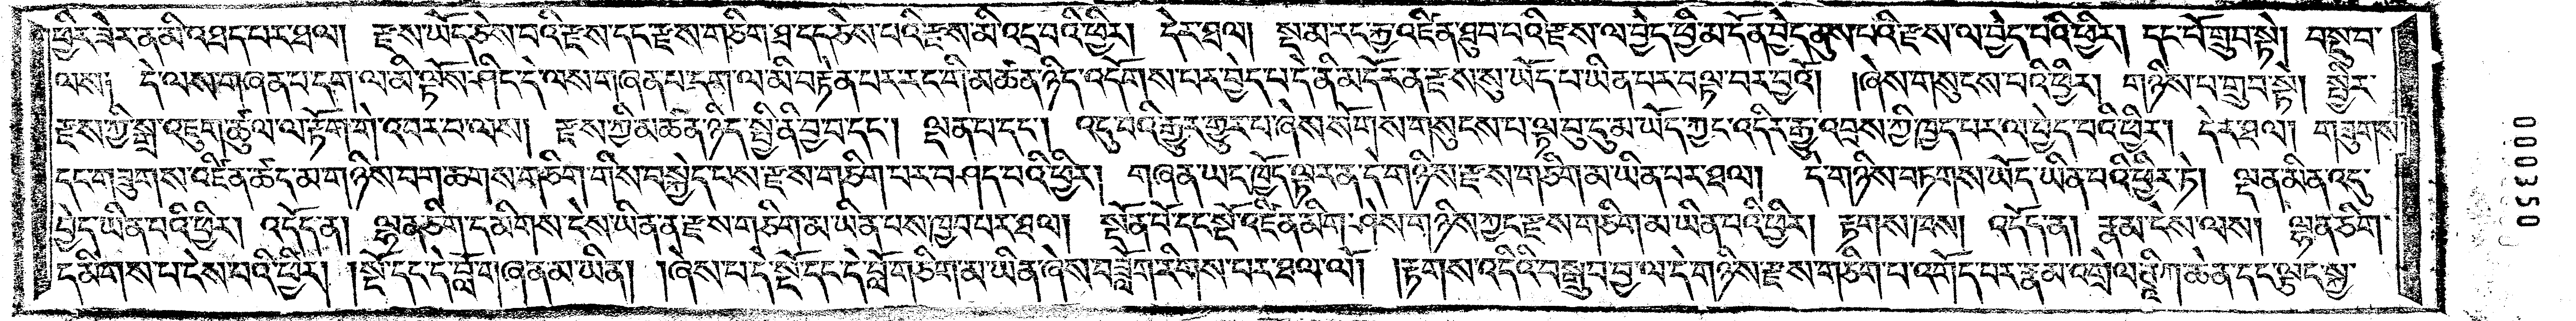ཕྱིར་ཟེར་ན་མི་འཐད་པར་ཐལ། རྫས་ཡོད་ཅེས་པའི་རྫས་དང་རྫས་གཅིག་ཐ་དད་ཅེས་པའི་རྫས་མི་འདྲ་བའི་ཕྱིར། དེར་ཐལ། སྔ་མ་རང་རྒྱ་འཛིན་ཐུབ་པའི་རྫས་ལ་བྱེད་ཕྱི་མ་དོན་བྱེད་ནུས་པའི་རྫས་ལ་བྱེད་པའི་ཕྱིར། དང་པོ་གྲུབ་སྟེ། བསྡུབ་
ལས༑ དེ་ལས་གཞན་པ་དག་ལ་མི་ལྟོས་ཤིང་དེ་ལས་གཞན་པ་དག་ལ་མི་བརྟེན་པར་རང་གི་མཚན་ཉིད་འདོགས་པར་བྱེད་པ་དེ་ནི་མདོར་ན་རྫས་སུ་ཡོད་པ་ཡིན་པར་བལྟ་བར་བྱའོ། །ཞེས་གསུངས་པའི་ཕྱིར། གཉིས་པ་གྲུབ་སྟེ། སྤྱིར་
རྫས་ཀྱི་སྒྲ་འཇུག་ཚུལ་ལ་རྟོག་གེ་འབར་བ་ལས། རྫས་ཀྱི་མཚན་ཉིད་སྤྱི་ནི་བྱ་བ་དང་། ལྡན་པ་དང་། འདུ་བའི་རྒྱུར་གྱུར་བ་ཞེས་སོགས་གསུངས་པ་ལྟ་བུ་དུ་མ་ཡོད་ཀྱང་འདིར་རྒྱུ་འབྲས་ཀྱི་ཁྱེད་བར་ལ་བྱེད་བའི་ཕྱིར། དེར་ཐལ། གཟུགས་
དང་གཟུགས་འཛིན་ཚད་མ་གཉིས་བག་ཆགས་གཅིག་གིས་བསྐྱེད་བས་རྫས་གཅིག་བར་བཤད་བའི་ཕྱིར། གཞན་ཡང་ཁྱོད་ལྟར་ན་དེ་གཉིས་རྫས་གཅིག་མ་ཡིན་པར་ཐལ། དེ་གཉིས་བཏགས་ཡོད་ཡིན་བའི་ཕྱིར་ཏེ། ལྡན་མིན་འདུ་
བྱེད་ཡིན་པའི་ཕྱིར། འདོད་ན། ལྷན་ཅིག་དམིགས་ངེས་ཡིན་ན་རྫས་གཅིག་མ་ཡིན་པས་ཁྱབ་པར་ཐལ། སྔོན་པོ་དང་སྔོ་འཛིན་མིག་ཤེས་གཉིས་ཀྱང་རྫས་གཅིག་མ་ཡིན་པའི་ཕྱིར། རྟགས་ཁས། འདོད་ན། རྣམ་ངེས་ལས། ལྷན་ཅིག་
དམིགས་པ་ངེས་པའི་ཕྱིར། །སྔོ་དང་དེ་བློ་གཞན་མ་ཡིན། །ཞེས་པ་དེ་སྔོ་དང་དེ་བློ་གཅིག་མ་ཡིན་ཞེས་བཟློག་རིགས་པར་ཐལ་ལོ། །རྟགས་འདིའི་བསྒྲུབ་བྱ་ལ་དེ་གཉིས་རྫས་གཅིག་པ་འགོད་པར་རྣམ་འགྲེལ་ཊཱིཀ་ཆེན་དང་ལྕོང་སྐྱ་